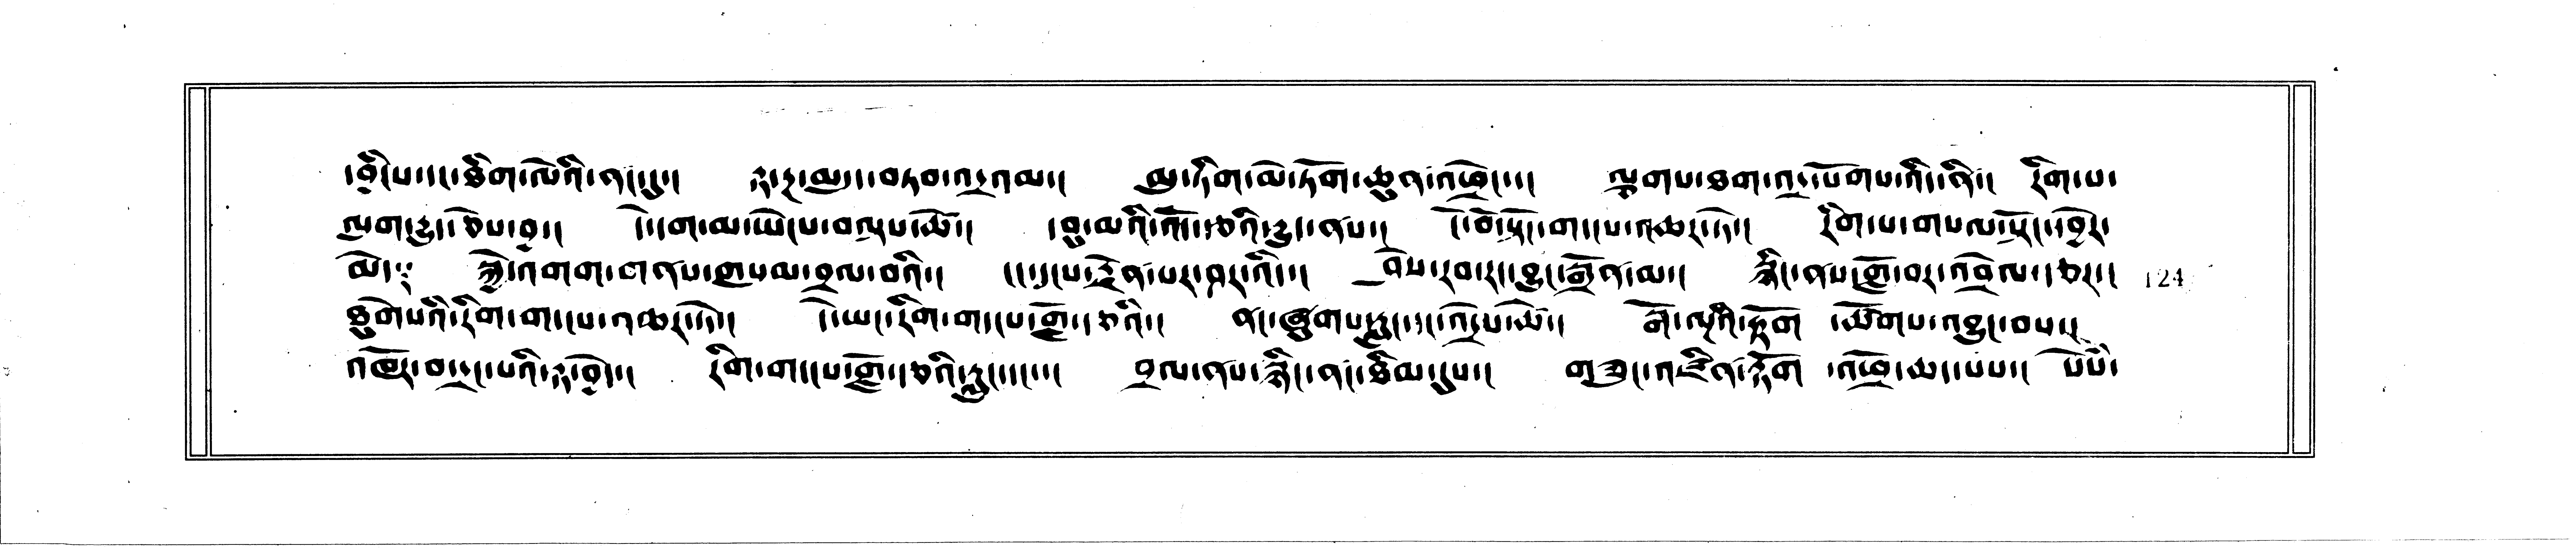དབྱིངས་དང་ཐིག་ལེའི་ནང་དུ། །རྟ་རྔ་མདུད་བཏབ་འདྲའམ། །མུ་ཏིག་མེ་ཏོག་ཆུན་འཕྲེང་། །ལྕགས་ཐག་འདྲ་སོགས་འདི་ནི། །རིག་པ་
ལུག་རྒྱུད་ཅེས་བྱ། །དེ་དག་མ་ཡེངས་བལྟས་ཚེ། །དབུ་མའི་འོད་རྩའི་རྒྱུད་ནས། །ངོ་བོ་སྟོང་གདངས་འཆར་ཏེ། །རིག་པ་གསལ་སྟོང་དབྱེར་
མེད། །སྐྱེ་འགག་གནས་གསུམ་བྲལ་བའི། །ངང་དྭངས་རྗེན་པར་ཤར་འདི། །ཤེས་རབ་རང་བྱུང་སྒྲོན་མ། །སྙིང་ནས་གློ་བར་འབྲེལ་རྩར། །
ཐུགས་རྗེའི་རིག་གདང་འཆར་ཏེ། །དེ་ཡང་རིག་གདང་གློ་རྩའི། །ནང་ཞུགས་རླུང་དང་འདྲེས་ཚེ། །སྒོ་ལྔའི་རྟོགས་ཚོགས་འབྱུང་བས། །
འཁོར་བ་དྲང་བའི་རྟ་བྱེད། །རིག་གདང་གློ་རྩའི་རླུང་དང་། །བྲལ་ནས་སྙིང་ནང་ཐིམ་དུས། །གཟུང་འཛིན་རྟོག་འཕྲོ་ཆད་པས། །སེམས་